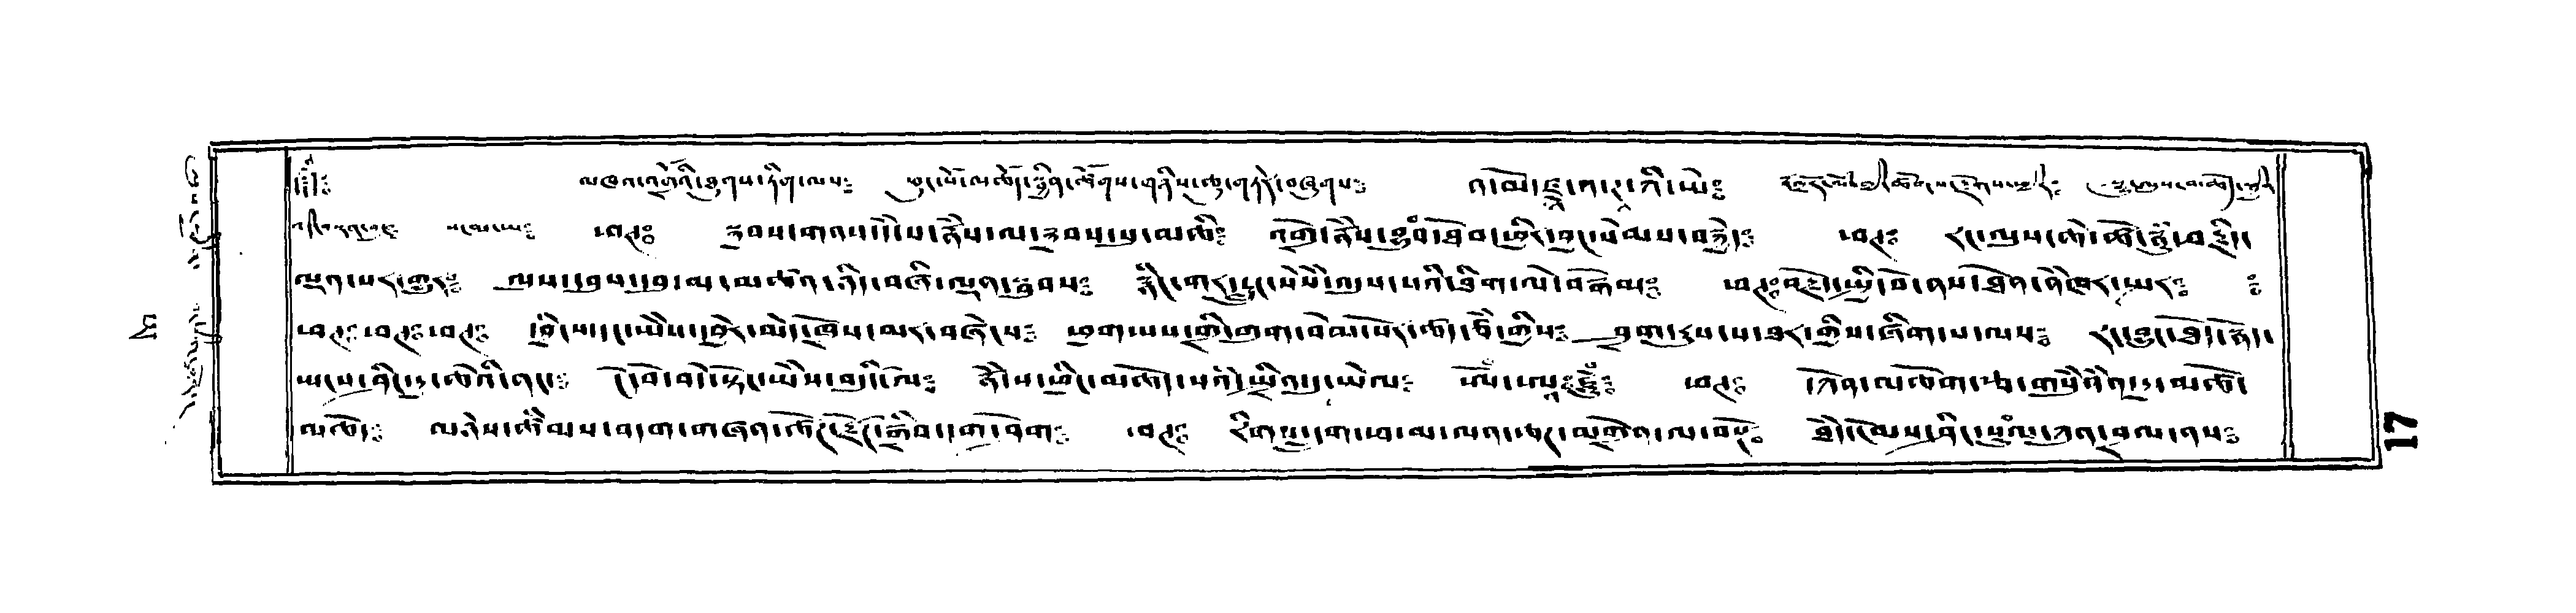མཁའ་འགྲོའི་ཐུགས་ཏིག་ལས༔ ཕུང་པོ་མཆོད་སྦྱིན་ཚོགས་གཉིས་ཆུ་གཏེར་བཞུགས༔ ན་མོ་ཛྙཱ་ན་ཌཱ་ཀི་ཡེ༔ རྣལ་འབྱོར་ལམ་གྱི་ཚོགས་རྫོགས་ཕྱིརཿ སྒྱུ་ལུས་མཆོད་སྦྱིན་
འདི་བསྟན་བྱ༔ ས་མ་ཡ༔ ཕཊཿ སྐྱབས་གནས་དམ་པ་རྣམས་ལ་སྐྱབས་སུ་མཆི༔ འགྲོ་རྣམས་བྱང་ཆུབ་ཐོབ་ཕྱིར་བྱང་སེམས་བསྐྱེད༔ ཕཊཿ རང་ལུས་ཆེ་ཚོ་སྣུམ་བརྗིད་
ལྡན་པ་གྱུར༔ ལུས་དབུས་དབུ་མ་མཚན་ཉིད་བཞི་ལྡན་སྦུབས༔ སྙིང་གར་རླུང་སེམས་འདུས་པའི་ཐིག་ལེ་བསྒོམ༔ ཕཊཿབརྗོད་སྤྱི་བོ་ནས་ཐོན་ནམ་མཁར་སྤར༔ 
ཕཊཿཕཊཿཕཊཿ དབྱིངས་དང་ཡེ་ཤེས་དབྱེར་མེད་ཁྲོས་མར་བཞེངས༔ ཕྱག་གཡས་གྲི་གུག་བེམ་པོར་ཚད་ཙམ་གྱིས༔ ཤ་ཁྲག་རུས་པ་ཐར་གྱིས་ཞིག་པ་ལས༔ རང་བྱུང་ཐོད་སྣོད་
ཡངས་ཤིང་རྒྱ་ཆེའི་ནང༔ ངོ་བོ་བདེ་སྟོང་ཡེ་ཤེས་བདུད་རྩི་ལ༔ རྣམ་པ་ཕྱི་ནང་མཆོད་པའི་སྤྲིན་དུ་སྤེལ༔ ཨོཾ་ཨཱཿཧཱུྃ༔ ཕཊཿ དཀོན་མཆོག་རྩ་གསུམ་དམ་ཅན་རྒྱ་མཚོ་
མཆོད༔ མཉེས་ཚིམས་བདག་གཞན་ཚོགས་རྫོགས་སྒྲིབ་དག་ཤོག༔ ཕཊཿ རིགས་དྲུག་ཕ་མ་ལན་ཆགས་མགྲོན་ལ་བསྔོ༔ ཐམས་ཅད་ངོམས་ཤིང་སྡུག་བསྔལ་ཀུན་བྲལ་ནས༔